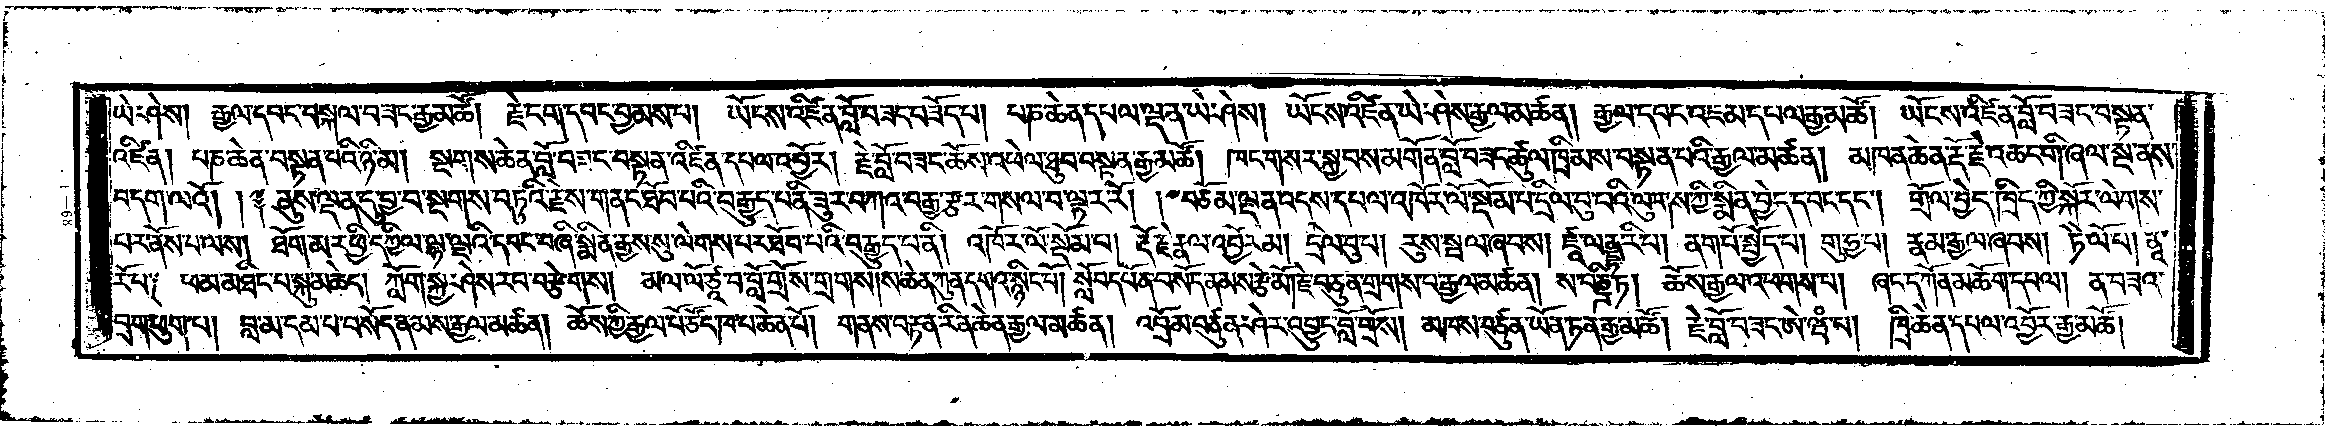ཡེ་ཤེས། རྒྱལ་དབང་བསྐལ་བཟང་རྒྱ་མཚོ། རྗེ་ངག་དབང་བྱམས་པ། ཡོང་འཛིན་བློ་བཟང་བཟོད་པ། པཎ་ཆེན་དཔལ་ལྡན་ཡེ་ཤེས། ཡོངས་འཛིན་ཡེ་ཤེས་རྒྱལ་མཚན། རྒྱལ་དབང་འཇམ་དཔལ་རྒྱ་མཚོ། ཡོངས་འཛིན་བློ་བཟང་བསྟན་
འཛིན། པཎ་ཆེན་བསྟན་པའི་ཉི་མ། སྔགས་ཆེན་བློ་བཟང་བསྟན་འཛིན་དཔལ་འབྱོར། རྗེ་བློ་བཟང་ཆོས་འཕེལ་ཐུབ་བསྟན་རྒྱ་མཚོ། ཁང་གསར་སྐྱབས་མགོན་བློ་བཟང་ཚུལ་ཁྲིམས་བསྟན་པའི་རྒྱལ་མཚན། མཁན་ཆེན་རྡོ་རྗེ་འཆང་གི་ཞལ་སྔ་ནས་
བདག་ལའོ། །༈ནུས་ལྡན་དུ་བྱ་བ་སྔགས་བཏུའི་རྗེས་གནང་ཐོབ་པའི་བརྒྱུད་པ་ནི་ཟུར་བཀའ་བརྒྱ་རྩར་གསལ་བ་ལྟར་རོ། །༧་བཅོམ་ལྡན་འདས་དཔལ་འཁོར་ལོ་སྡོམ་པ་དྲིལ་བུ་པའི་ལུགས་ཀྱི་སྨིན་བྱེད་དབང་དང་། གྲོལ་བྱེད་ཁྲིད་ཀྱི་སྐོར་ལེགས་
པར་ནོས་པ་ལས། ཐོག་མར་ཕྱི་དཀྱིལ་ལྷ་ལྔའི་དབང་བཞི་སྨིན་རྒྱས་སུ་ལེགས་པར་ཐོབ་པའི་བརྒྱུད་པ་ནི། འཁོར་ལོ་སྡོམ་པ། རྡོ་རྗེ་རྣལ་འབྱོར་མ། དྲིལ་བུ་པ། རུས་སྦལ་ཞབས། ཛཱ་ལནྡྷ་རི་པ། ནག་པོ་སྤྱོད་པ། གུ་ཧྱ་པ། རྣམ་རྒྱལ་ཞབས། ཏཻ་ལོ་པ། ནཱ་
རོ་པ༑ ཕམ་མཐིང་པ་སྐུ་མཆེད། ཀློག་སྐྱ་ཤེས་རབ་བརྩེགས། མལ་ལོ་ཙཱ་བ་བློ་གྲོས་གྲགས། ས་ཆེན་ཀུན་དགའ་སྙིང་པོ། སློབ་དཔོན་བསོད་ནམས་རྩེ་མོ། རྗེ་བཙུན་གྲགས་པ་རྒྱལ་མཚན། ས་པཎྜི་ཏ། ཆོས་རྒྱལ་འཕགས་པ། ཞང་དཀོན་མཆོག་དཔལ། ན་བཟའ་
བྲག་ཕུག་པ། བླ་མ་དམ་པ་བསོད་ནམས་རྒྱལ་མཚན། ཆོས་ཀྱི་རྒྱལ་པོ་ཙོང་ཁ་པ་ཆེན་པོ། གནས་བརྟན་རིན་ཆེན་རྒྱལ་མཚན། འབྲོམ་བཙུན་ཤེར་འབྱུང་བློ་གྲོས། མཁས་བཙུན་ཡོན་ཏན་རྒྱ་མཚོ། རྗེ་བློ་བཟང་ཨེ་ཝཾ་པ། ཁྲི་ཆེན་དཔལ་འབྱོར་རྒྱ་མཚོ།